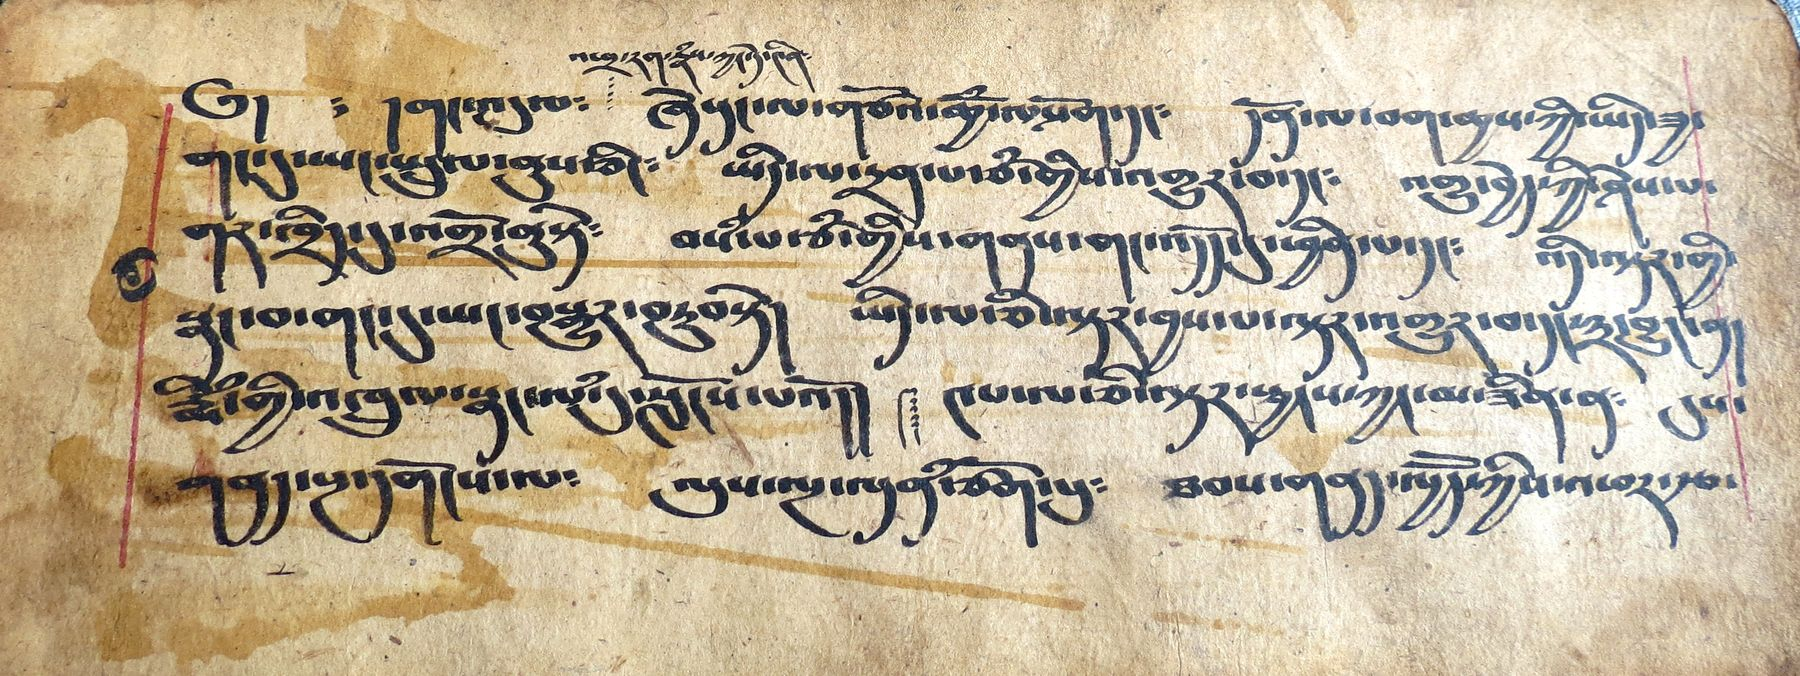གང་འདུལ། ཞེ་སྡང་ལ་གཙོ་མཆོག་ལ་སོགས་དང་། དོན་ལ་བག་ཆགས་ཀྱི་ཡིད་གཟུགས་
གང་དུ་ཡང་སྤྲུལ་ནུས་ཤིང་། ཡིད་ལ་དྲན་པ་ཙམ་གྱིས་འགྱུར་བ་དང་། འགྱུ་བྱེད་ཀྱི་ཤེས་པ་
གར་ཁྲིད་དུ་འགྲོ་ནུས་ཏེ། བསམ་པ་ཙམ་གྱིས་གནས་གང་འདོད་དུ་ཕྱིན་པ་དང་། འདི་ལྟར་གྱི་
སྣང་བ་གང་དུ་ཡང་བསྒྱུར་དུ་བཏུབ་སྟེ། ཡིད་ལ་ཅི་ལྟར་བྱས་པ་ལྟར་འགྱུར་བ་དང་གསུམ་བྱུང་ན། 
རྨི་ལམ་གྱི་འཁྲུལ་སྣང་ལམ་དུ་བསླངས་པའོ། ། བཞི་པ་ཅི་ལྟར་བྱས་ཀྱང་མ་ཟིན་ན། དུས་
གནད་སྔ་དགོང་ལ་ལུས་གནད་ལྔ་ལྡན་ནམ་ཅོག་པུ། ཐབས་གནད་ལོངས་སྤྱོད་ཀྱི་འཕར་རྩ་